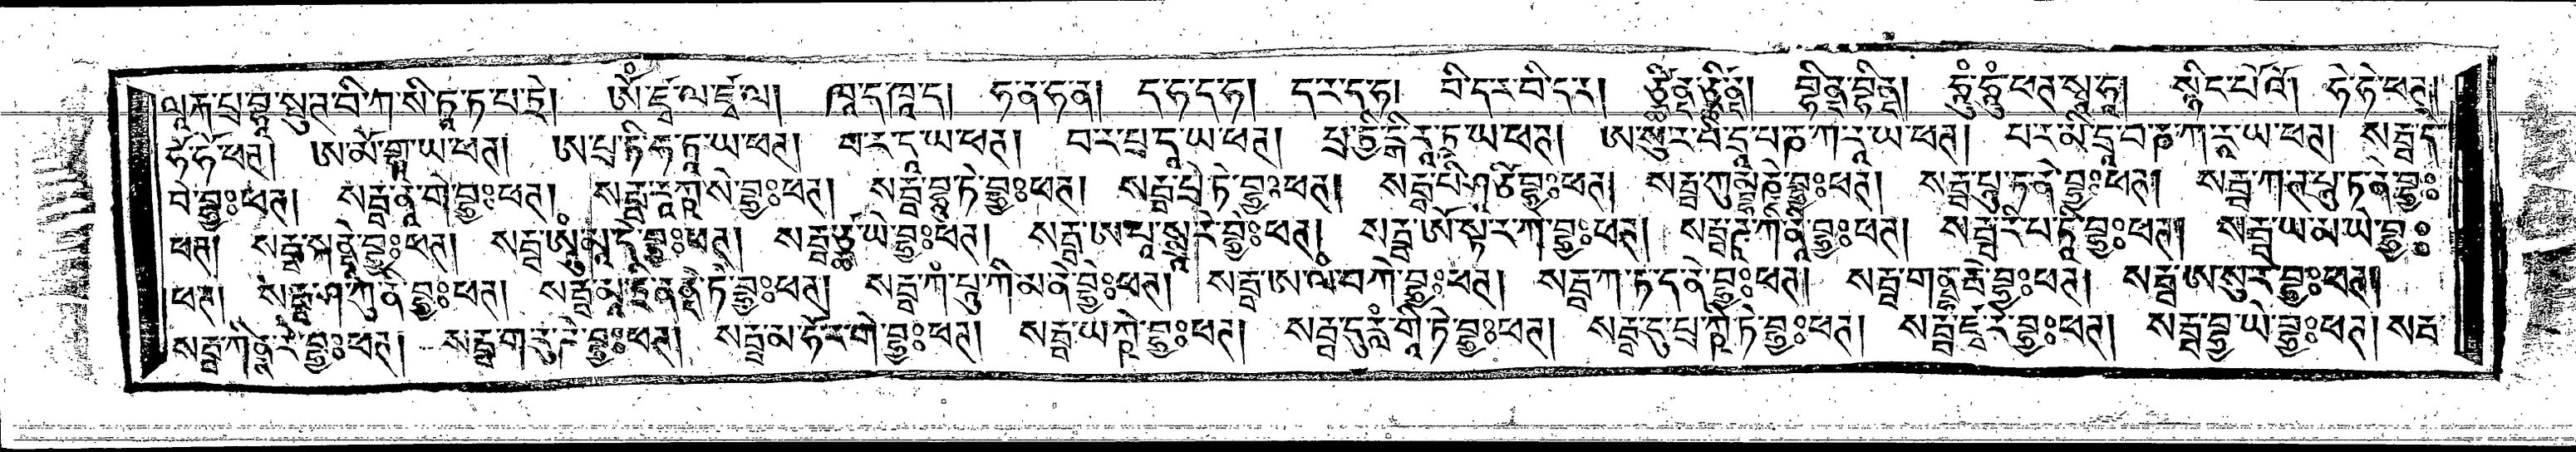ལཱ་རྐ་པྲ་བྷཱ་སྤུ་ཊ་བི་ཀ་སི་ཏཱ་ཏ་པ་ཏྲེ། ཨོཾ་ཛྭ་ལ་ཛྭ་ལ། ཁཱ་ད་ཁཱ་ད། ཧ་ན་ཧ་ན། ད་ཧ་ད་ཧ། ད་ར་ད་ཧ། བི་ད་ར་བི་ད་ར། ཙྪིནྡ་ཙྪིནྡ། བྷིནྡ་བྷིནྡ། ཧཱུཾ་ཧཱུཾ་ཕཊ་སྭཱ་ཧཱ། སྙིང་པོའོ། ཧེ་ཧེ་ཕཊ།
ཧོ་ཧོ་ཕཊ། ཨ་མོ་གྷཱ་ཡ་ཕཊ། ཨ་པྲ་ཏི་ཧ་ཏཱ་ཡ་ཕཊ། བ་ར་དཱ་ཡ་ཕཊ། བ་ར་པྲ་དཱ་ཡ་ཕཊ། པྲ་ཏྱི་དགི་རཱ་ཏྲ་ཡ་ཕཊ། ཨ་སུ་ར་བི་དྲཱ་པ་ཎ་ཀ་རཱ་ཡ་ཕཊ། པ་ར་མི་དྲཱ་བ་ཎ་ཀ་རཱ་ཡ་ཕཊ། སརྦྦ་དེ་
བེ་བྷྱཿ ཕཊ། སརྦྦ་ནཱ་གེ་བྷྱཿ ཕཊ། སརྦྦ་རཱ་ཀྵ་སེ་བྷྱཿ ཕཊ། སརྦྦ་བྷཱུ་ཏེ་བྷྱཿ ཕཊ། སརྦྦ་པྲེ་ཏེ་བྷྱཿ ཕཊ། སརྦྦ་པི་ཤཱ་ཙི་བྷྱཿ ཕཊ། སརྦྦ་ཀུམྦྷ་ཎྜེ་བྷྱཿ ཕཊ། སརྦྦ་པཱུ་ཏ་ནེ་བྷྱཿ ཕཊ། སརྦྦ་ཀ་ཊ་པཱུ་ཏ་ནེ་བྷྱཿ
ཕཊ༑ སརྦྦ་སྐནྡE་བྷྱཿ ཕཊ། སརྦྦ་ཨཱུཾ་མཱ་དེ་བྷྱཿ ཕཊ། སརྦྦ་ཙྪ་ཡེ་བྷྱཿ ཕཊ། སརྦྦ་ཨ་པཱ་སྨྲཱ་རེ་བྷྱེཿ ཕཊ། སརྦྦ་ཨོ་སྟ་ར་ཀེ་བྷྱཿ ཕཊ། སརྦྦ་ཌཱ་ཀི་ནཱི་བྷྱཿ ཕཊ། སརྦྦ་རི་པ་ཏཱི་བྷྱཿ ཕཊ། སརྦྦ་ཡ་མ་ཡེ་བྷྱཿ
ཕཊ༑ སརྦྦ་ཤ་ཀུ་ནི་བྷྱཿ ཕཊ། སརྦྦ་མཱ་ཏྲི་ན་ནནྡེ་ཏེ་བྷྱཿ ཕཊ། སརྦྦ་ཀཾ་པཱུ་ཀི་མ་ནེ་བྷྱེཿ ཕཊ། སརྦྦ་ཨ་ལཾ་བཀེ་བྷྱཿ ཕཊ། སརྦྦ་ཀ་ཏ་ད་ནེ་བྷྱཿ ཕཊ། སརྦྦ་གནྡྷ་རྦེ་བྷྱཿ ཕཊ། སརྦྦ་ཨ་སུ་ར་བྷྱཿ ཕཊ།
སརྦྦ་ཀིནྣ་རེ་བྷྱཿ ཕཊ། སརྦྦ་ག་རུ་ཌེ་བྷྱཿ ཕཊ། སརྦྦ་མ་ཧོ་ར་གེ་བྷྱཿ ཕཊ། སརྦྦ་ཡ་ཀྵེ་བྷྱཿ ཕཊ། སརྦྦ་དུ་རླཾ་གཱི་ཏེ་བྷྱཿ ཕཊ། སརྦྦ་དུ་པྲ་ཀྵེ་ཏེ་བྷྱཿ ཕཊ། སརྦྦ་ཛྭ་རེ་བྷྱཿ ཕཊ། སརྦྦ་བྷྱ་ཡེ་བྷྱཿ ཕཊ། སརྦྦ་